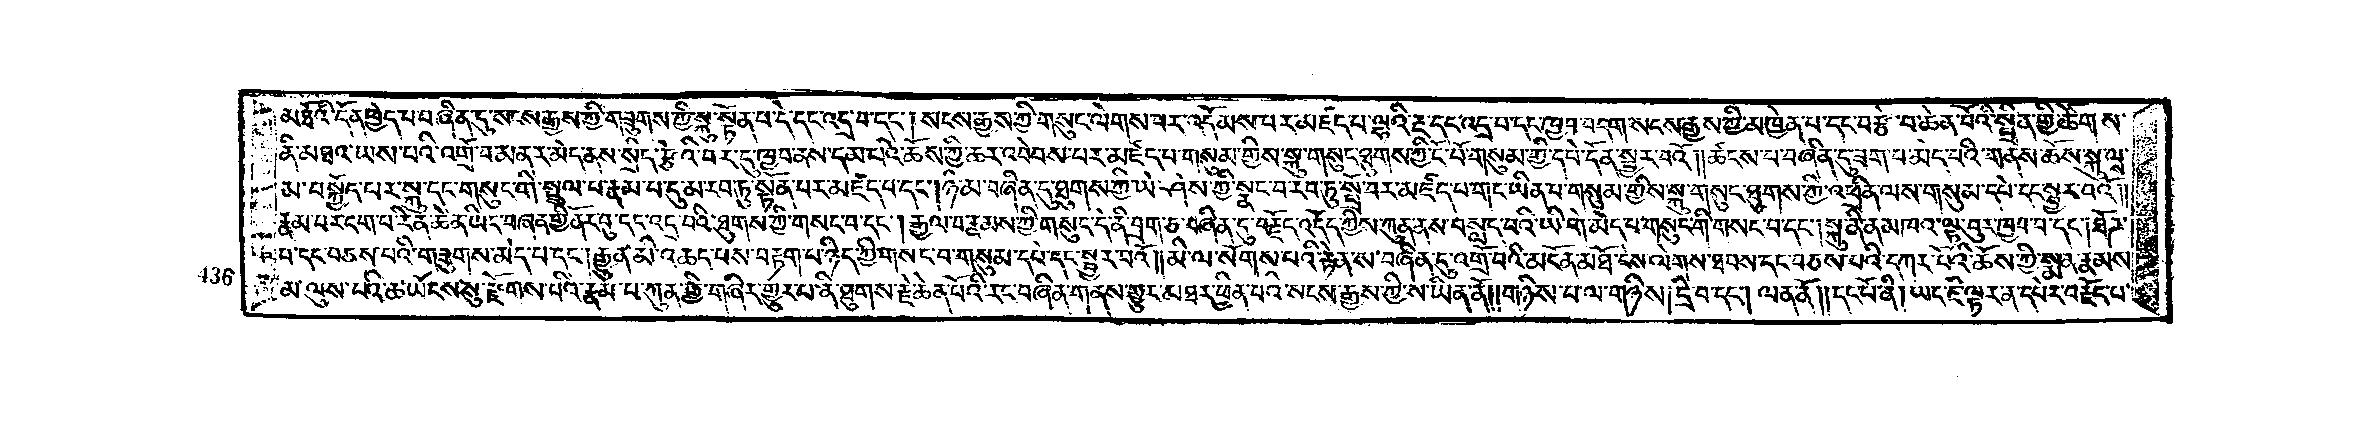མཐོའི་དོན་ཕྱེད་པ་བཞིན་དུ་སངས་རྒྱས་ཀྱི་གཟུགས་ཀྱི་སྐུ་སྟོན་པ་དེ་དང་འདྲ་བ་དང་། སངས་རྒྱས་ཀྱི་གསུང་ལེགས་པར་འདོམས་པར་མཛད་པ་ལྷའི་རྔ་དང་འདྲ་བ་དང་ཁྱབ་བདག་སངས་རྒྱས་ཀྱི་མཁྱེན་པ་དང་བརྩེ་བ་ཆེན་པོའི་སྤྲིན་གྱི་ཚོགས་
ནི་མཐའ་ཡས་པའི་འགྲོ་བ་མནར་མེད་ནས་སྲིད་རྩེའི་བར་དུ་ཁྱབ་ནས་དམ་པའི་ཆོས་ཀྱི་ཆར་འབེབས་པར་མཛད་པ་གསུམ་གྱིས་སྐུ་གསུང་ཐུགས་ཀྱི་ངོ་བོ་གསུམ་གྱི་དཔེ་དོན་སྦྱར་བའོ། །ཚངས་པ་བཞིན་དུ་ཟག་པ་མེད་པའི་གནས་ཆོས་སྐུ་ལས་
མ་བསྐྱོད་པར་སྐུ་དང་གསུང་གི་སྤྲུལ་པ་རྣམ་པ་དུ་མ་རབ་ཏུ་སྟོན་པར་མཛད་པ་དང་། ཉི་མ་བཞིན་དུ་ཐུགས་ཀྱི་ཡེ་ཤེས་ཀྱི་སྣང་བ་རབ་ཏུ་སྤྲོ་བར་མཛད་པ་གང་ཡིན་པ་གསུམ་གྱིས་སྐུ་གསུང་ཐུགས་ཀྱི་འཕྲིན་ལས་གསུམ་དཔེ་དང་སྦྱར་བའོ། །
རྣམ་པར་དག་པ་རིན་ཆེན་ཡིད་བཞན་གྱི་ནོར་བུ་དང་འདྲ་བའི་ཐུགས་ཀྱི་གསང་བ་དང་། རྒྱལ་བ་རྣམས་ཀྱི་གསུང་དེ་ནི་བྲག་ཅ་བཞིན་དུ་བརྗོད་འདོད་ཀྱིས་ཀུན་ནས་བསླད་པའི་ཡི་གེ་མེད་པ་གསུང་གི་གསང་བ་དང་། སྐུ་ནི་ནམ་མཁའ་ལྟ་བུར་ཁྱབ་པ་དང་། ཐོགས་
པ་དང་བཅས་པའི་གཟུགས་མེད་པ་དང་། རྒྱུན་མི་འཆད་པས་བརྟག་པ་ཉིད་ཀྱི་གསང་བ་གསུམ་དཔེ་དང་སྦྱར་བའོ། །མི་ལ་སོགས་པའི་རྟེན་ས་བཞིན་དུ་འགྲོ་བའི་མངོན་མཐོ་ངེས་ལེགས་ཐབས་དང་བཅས་པའི་དཀར་པོའི་ཆོས་ཀྱི་སྨན་རྣམས་
མ་ལུས་པའི་ཆ་ཡོངས་སུ་རྫོགས་པའི་རྣམ་པ་ཀུན་གྱི་གཞིར་གྱུར་པ་ནི་ཐུགས་རྗེ་ཆེན་པོའི་རང་བཞིན་གནས་གྱུར་མཐར་ཕྱིན་པའི་སངས་རྒྱས་ཀྱི་ས་ཡིན་ནོ། །གཉིས་པ་ལ་གཉིས། དྲི་བ་དང་། ལན་ནོ། །དང་པོ་ནི། ཡང་ཇི་ལྟར་ན་དཔེར་བརྗོད་པ་